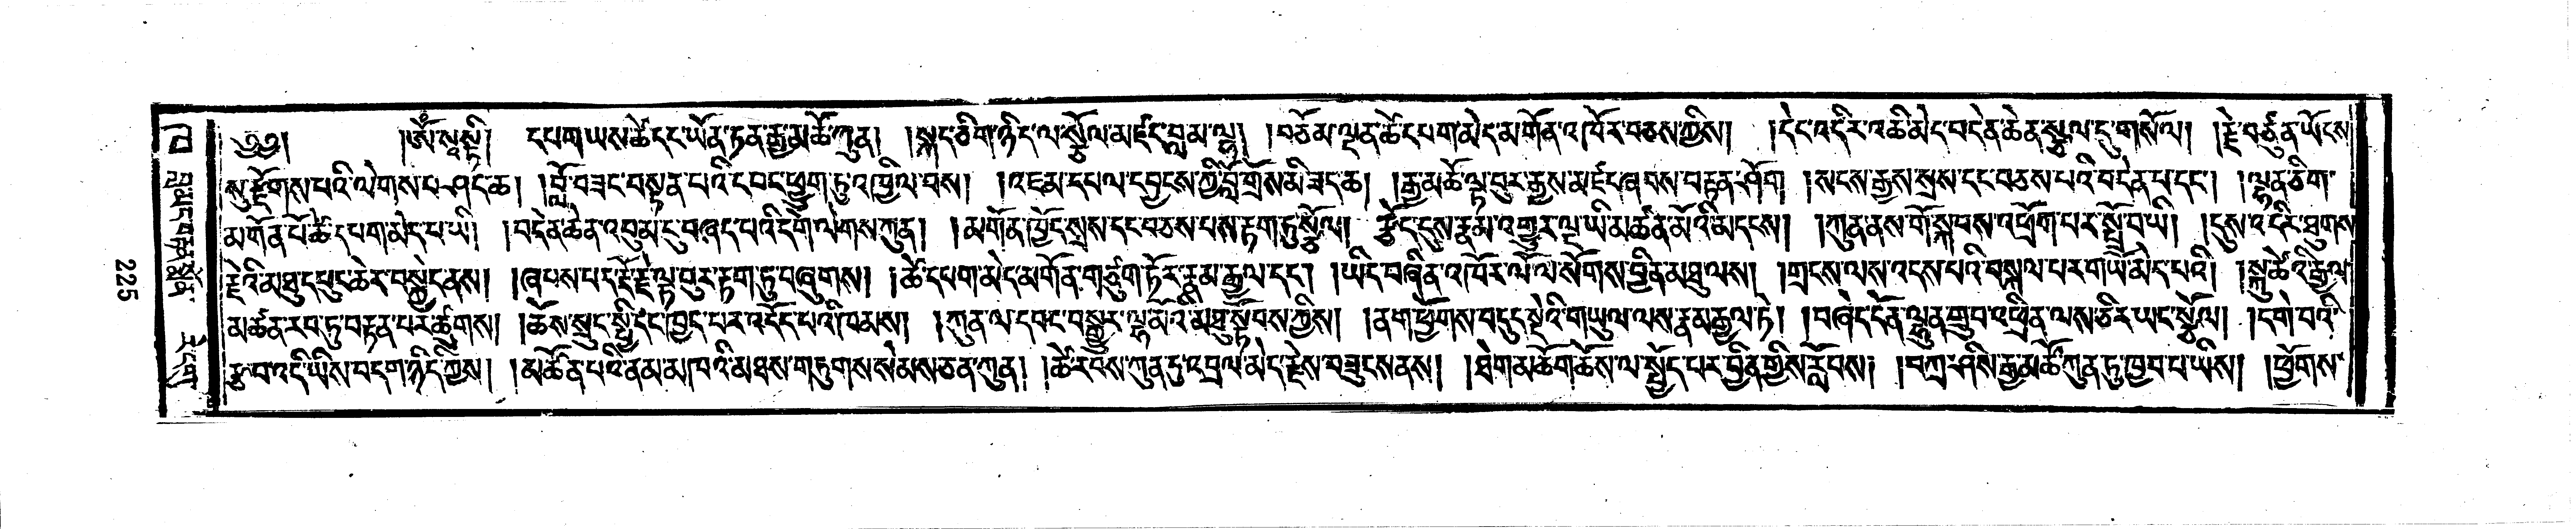༄༅། །ཨོཾ་སྭསྟི། དཔག་ཡས་ཚེ་དང་ཡོན་ཏན་རྒྱ་མཚོ་ཀུན། །སྐད་ཅིག་ཉིད་ལ་སྩོལ་མཛད་བླ་མ་ལྷ། །བཅོམ་ལྡན་ཚེ་དཔག་མེད་མགོན་འཁོར་བཅས་ཀྱིས། །དེང་འདིར་འཆི་མེད་བདེན་ཆེན་སྩལ་དུ་གསོལ། །རྗེ་བཙུན་ཡོངས་
སུ་རྫོགས་པའི་ལེགས་བཤད་ཆ། །བློ་བཟང་བསྟན་པའི་དབང་ཕྱུག་ཏུ་འཁྱིལ་བས། །འཇམ་དཔལ་དབྱངས་ཀྱི་བློ་གྲོས་མི་ཟད་ཆ། །རྒྱ་མཆོ་ལྟ་བུར་རྒྱས་མཛད་ཞབས་བརྟན་ཤོག །སངས་རྒྱས་སྲས་དང་བཅས་པའི་བདེན་པ་དང་། །ལྷན་ཅིག་
མགོན་པོ་ཚེ་དཔག་མེད་པ་ཡི། །བདེན་ཆེན་འབུམ་དུ་བཞད་པའི་དགེ་ལེགས་ཀུན། །མགོན་ཁྱོད་སྲས་དང་བཅས་པས་རྟག་ཏུ་སྩོལ། །རྩོད་དུས་རྣམ་འགྱུར་ལྔ་ཡི་མཚན་མོའི་མདངས། །ཀུན་ནས་གོ་སྐབས་འཕྲོག་པར་སྤྲོ་བ་ཡི། །དུས་འདིར་ཐུགས་
རྗེའི་མཐུ་དཔུང་ཆེར་བསྐྱེད་ནས། །ཞབས་པད་རྡོ་རྗེ་ལྟ་བུར་རྟག་ཏུ་བཞུགས། །ཚེ་དཔག་མེད་མགོན་གཙུག་ཏོར་རྣམ་རྒྱལ་དང་། །ཡིད་བཞིན་འཁོར་ལོ་ལ་སོགས་བྱིན་མཐུ་ལས། །གྲངས་ལས་འདས་པའི་བསྐལ་བར་གཡོ་མེད་པའི། །སུ་ཚེའི་རྒྱལ་
མཚན་རབ་ཏུ་བརྟན་པར་ཚུགས། །ཆོས་སྲུང་སྦྱི་དང་ཁྱད་པར་འདོད་པའི་ཁམས། །ཀུན་ལ་དབང་བསྒྱུར་ལྷ་མོའི་མཐུ་སྟོབས་ཀྱིས། །ནག་ཕྱོགས་བདུད་སྡེའི་གཡུལ་ལས་རྣམ་རྒྱལ་ཏེ། །བཞེད་དོན་ལྷུན་གྲུབ་འཕྲིན་ལས་ཅིར་ཡང་སྩོལ། །དགེ་བའི་
རྩ་བ་འདི་ཡིས་བདག་ཉིད་ཀྱིས། །མཚོན་པའི་ནམ་མཁའི་མཐས་གཏུགས་སེམས་ཅན་ཀུན། །ཚེ་རབས་ཀུན་ཏུ་འབྲལ་མེད་རྗེས་བཟུངས་ནས། །ཐེག་མཆོག་ཆོས་ལ་སྤྱོད་པར་བྱིན་གྱིས་རློབས། །བཀྲ་ཤིས་རྒྱ་མཚོ་ཀུན་ཏུ་ཁྱབ་པ་ཡིས། །ཕྱོགས་